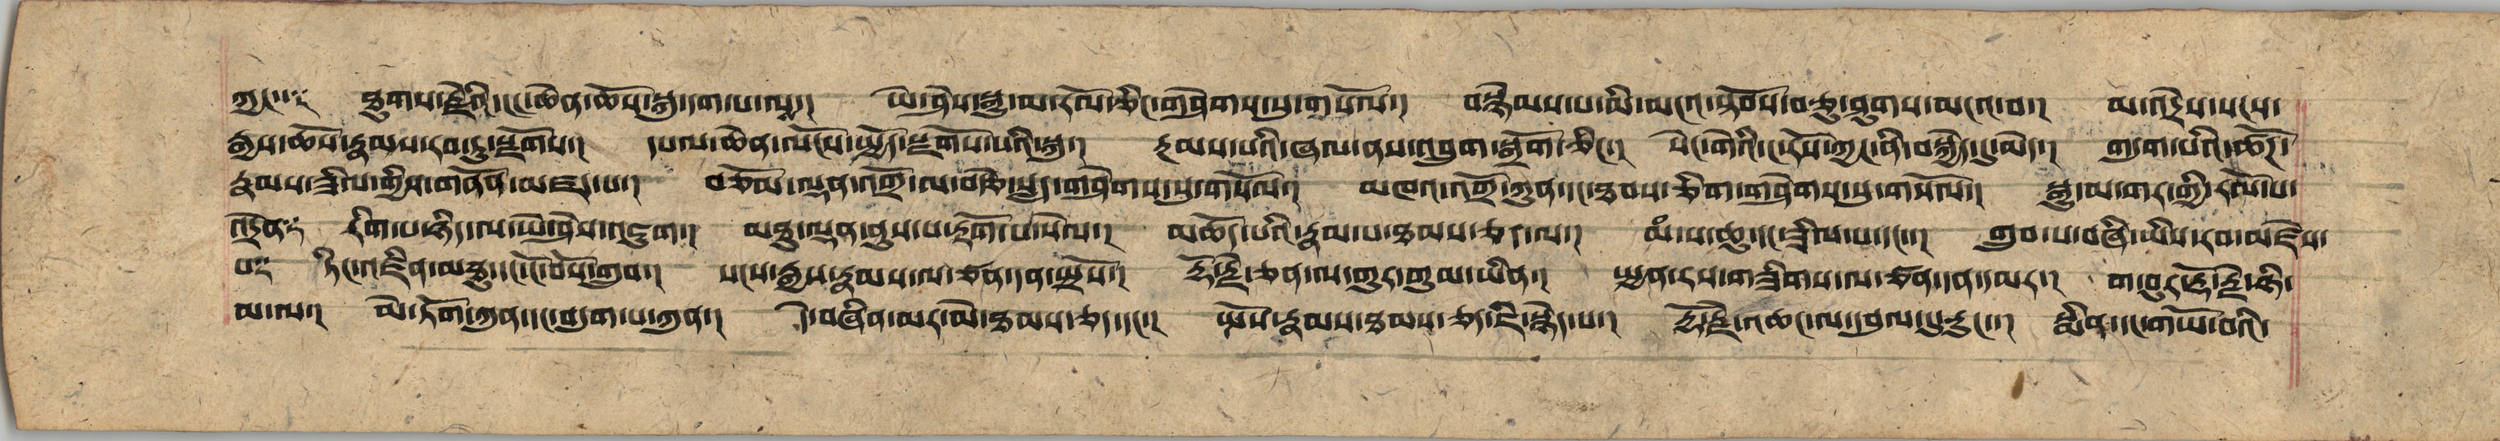ཀྱང་་༑ ཐུགས་རྗེའི་ངང་ཆེན་ཆོས་སྐུ་དག་པ་ལས་། ཡེ་ཤེས་སྒྱུ་མ་རོལ་ཅིང་གཤེགས་སུ་གསོལ་། བསྙོམས་པ་མི་མངའ་སྟོབས་བཅུ་ཤུགས་མངའ་བ་། མ་འདྲེས་སངས་
རྒྱས་ཆོས་རྣམས་རབ་ཏུ་སྫོགས་། དཔལ་ཆེན་ལོངས་སྤྱོད་སྫོགས་པའི་སྐུ་། རྔམས་པའི་ཞལ་ནས་འབྲུག་སྒྲོག་ཅིང་་། སེང་གེའི་ང་རོས་ཀྱང་ནི་བསྐྱེད་དུ་མེད་། གདུག་པའི་ཚོཌ་
རྣམས་ཟིལ་གྱིས་གནོན་མཛད་པ་། བཅོམ་ལྡན་འགྲོ་ལ་བརྩེ་སླད་གཤེགས་སུ་གསོལ་། མཁའ་འགྲོ་ཀུན་དང་ཐབས་ཅིག་གཤེགས་སུ་གསོལ་། སྒྱུ་མ་གར་གྱི་རོལ་པ་
འདྲེན༑ རིག་པ་ཉིད་ལ་ཡེ་ཤེས་འཇུག་། མཐུ་ལྡན་ནུས་པ་རྟོག་པ་སེལ་། མཆོད་པའི་རྣམ་པ་ཐམས་ཅད་ལ་། མཾ་ས་ཆུ་དང་ཟིལ་པ་དང་་། གྲུབ་པ་བཞི་ཡིས་རབ་མཛེས་
པ༑ ཏིང་འཛིན་མཐུ་དང་ངོ་བོས་གྲུབ་། སངས་རྒྱས་རྣམས་ལ་ཙན་དན་སྤྲོས་། རྡོ་རྗེ་ཅན་ལ་གུར་གུམ་ཡིན་། སྤྱན་རས་གཟིགས་ལ་ཙན་དན་དམར་། ག་བུར་རྡོ་རྗེ་ཉི་
མ་ལ་། མེ་ཏོག་ཀུན་དང་བདུག་པ་ཀུན་། དེ་བཞིན་མར་མེ་ཐམས་ཅད་དང་་། སྤོས་རྣམས་ཐམས་ཅདཇི་སྙེད་པ་། རྡོ་རྗེ་འཆང་ལ་དབུལ་དུ་རུང་་། སྨིན་དང་གཡོ་བའི་